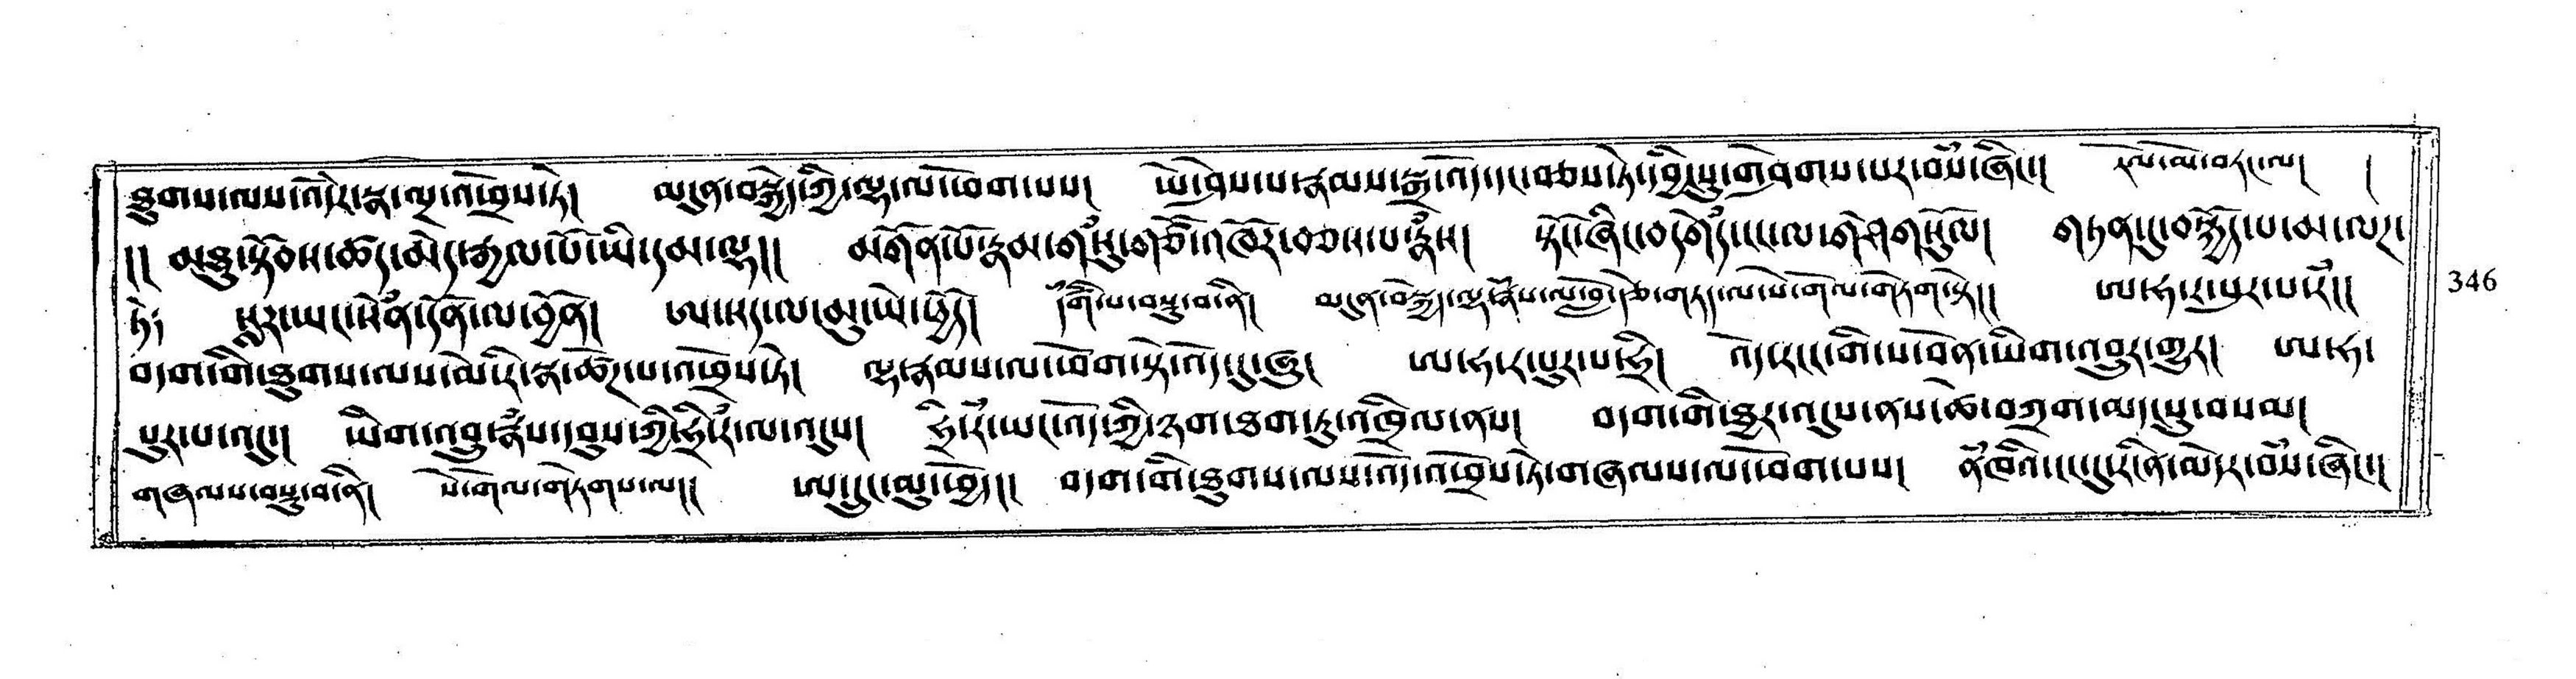ཐུགས་ལས་འོད་ཟེར་སྣ་ལྔ་འཕྲོས་ཏེ། མདུན་བསྐྱེད་ཀྱི་ལྷ་ལ་ཕོག་པས། ཡེ་ཤེས་པ་རྣམས་སྒྲ་འོད་དང་བཅས་ཏེ་དབྱིངས་སུ་གཤེགས་པར་བསམ་ཞིང་། རོལ་མོ་བཏང་ལ། །།
མཐུ་སྟོབས་ཚད་མེད་རྒྱལ་པོ་ཡི་དམ་ལྷ།། མགོན་པོ་རྣམ་གསུམ་གཙོ་འཁོར་བཅས་པ་རྣམས། སྟོང་ཞིང་བདག་མེད་ངང་ལ་གཤེགས་སུ་གསོལ། གཏན་དུ་བསྐྱོད་པ་མ་ལགས་
ཏེ། སླར་ཡང་སེམས་ཅན་དོན་ལ་བྱོན། ཨ་སད་ལ་མུ་ཡེ་ཕྱོད། དམ་ཚིག་པ་བསྡུ་བ་ནི། མདུན་བསྐྱེད་ལྷ་རྣམས་ལ་བློ་རྩེ་གཏད་ལ་སེ་གོལ་གཏེག་སྟེ།། ཨ་ཧ་ར་པུར་པ་རཾ།། 
བདག་གི་ཐུགས་ལས་མེ་རི་སྣ་ཚོགས་པ་འཕྲོས་ཏེ། ལྷ་རྣམས་ལ་ཕོག་སྟེ་འོད་དུ་ཞུ། ཨ་ཧ་ར་པུར་པ་ཧྲི། འོད་རང་རང་གི་ས་བོན་ཡིག་འབྲུར་གྱུར། ཨ་ཧ་
པུར་པ་འདུ། ཡིག་འབྲུ་རྣམས་དབུས་ཀྱི་ཧྲི་རཾ་ལ་འདུས། ཧྲི་རཾ་ཡང་འོད་ཀྱི་ཉག་ཐག་ཏུ་འཁྲིལ་ནས། བདག་གི་ཐུགས་ཀར་འདུས་ནས་ཚེ་བཀྲག་མདངས་སུ་བསམ། 
གཞལ་ཡས་བསྡུ་བ་ནི། སེ་གོལ་གཏེགས་ལ།། ཨ་དྲུང་མུ་ཕྱོད།། བདག་གི་ཐུགས་ལས་འོད་འཕྲོས་ཏེ་གཞལ་ཡས་ལ་ཕོག་པས། ནམ་མཁའི་ངང་དུ་རང་བཞིན་མེད་པར་བསམ་ཞིང་།